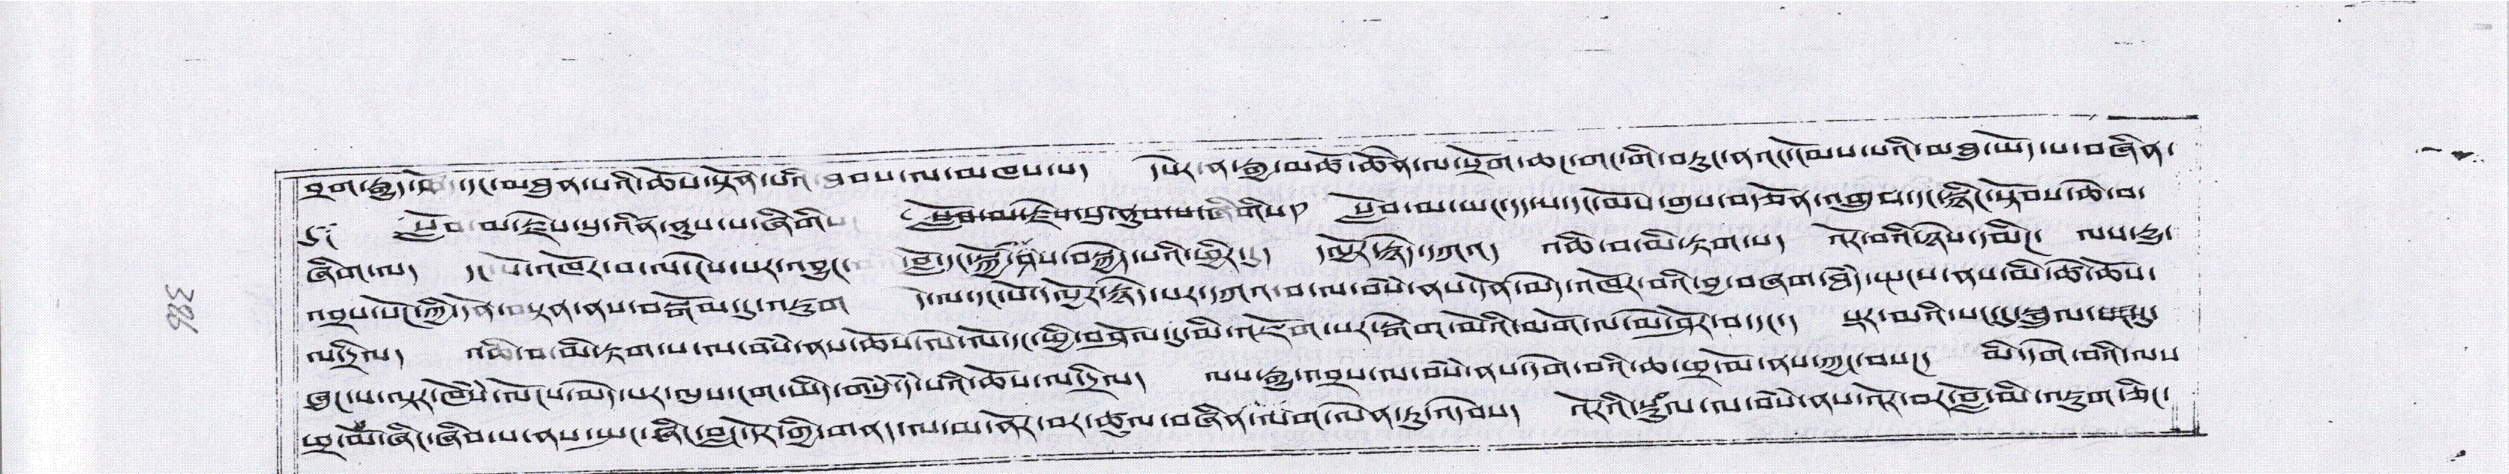བྲག་རྒྱུད་ཚོད་དང་མཐུན་པའི་སྒོ་ནས་ཆོས་སྟོན་པའི་ཐབས་ལ་མཁས་པ། དཔེར་ན་རྒྱ་མཚོ་ཆེན་པོ་ལ་སྲོག་ཆགས་གང་གིས་བཏུང་ནའང་ངོམས་པའི་མཐུ་ཡོད་པ་བཞིན་
དུ་སློབ་མ་རྗེས་སུ་འཛིན་ནུས་པ་ཞིག་གིས་སློབ་མ་ཡང་དད་པ་དང་མོས་གུས་བརྩོན་འགྲུས་དང་སྙིང་སྟོབས་ཆེ་བ་
ཞིག་ལ། དང་པོ་འཁོར་བ་ལ་ངེས་པར་འབྱུང་བའི་བློ་དང་སྐྱོ་ཤས་བསྐྱེད་པའི་ཕྱིར་དུ། དལ་འབྱོར་རྙེད་དཀའ། འཆི་བ་མི་རྟག་པ། འཁོར་བའི་ཉེས་དམིགས། ལས་རྒྱུ་
འབྲས་སོགས་ཀྱི་དོན་བསྟན་ནས་བསྒོམ་དུ་འཇུག དེ་ལ་དང་པོ་དལ་འབྱོར་རྙེད་པར་དཀའ་བ་ལ་བསམ་ནས་དོན་མེད་འཁོར་བའི་བྱ་བཞག་ཐམས་ཅད་སྤངས་ནས་མི་ཚེ་ཆོས་
ལ་དྲིལ། འཆི་བ་མི་རྟག་པ་ལ་བསམ་ནས་ཆོས་ལ་ལེ་ལོ་དང་ཕྱི་བཤོལ་དུ་མི་འཇོག་པར་སྒེག་མོའི་མགོ་ལ་མེ་ཤོར་བ་དང་། སྡར་མའི་པང་དུ་སྦྲུལ་
ཞུགས་པ་ལྟར་ཁོམས་ལོང་མེད་པར་ལུས་ངག་ཡིད་གསུམ་དམ་པའི་ཆོས་ལ་དྲིལ། ལས་རྒྱུ་འབྲས་ལ་བསམ་ནས་དགེ་བའི་ཆ་ཕྲ་མོ་ནས་ཀྱང་བསགས། མི་དགེ་བའི་ལས་
ཕྲ་ཞིང་ཞིབ་པ་ནས་སྤང་ཞིང་བླང་དོར་གྱི་གནད་ལ་མ་ནོར་བར་ཚུལ་བཞིན་ལག་ལེན་དུ་འདེབས། འཁོར་བའི་སྡུག་བསྔལ་ལ་བསམ་ནས་འཁོར་བར་བློ་མི་འཇུག་ཅིང་